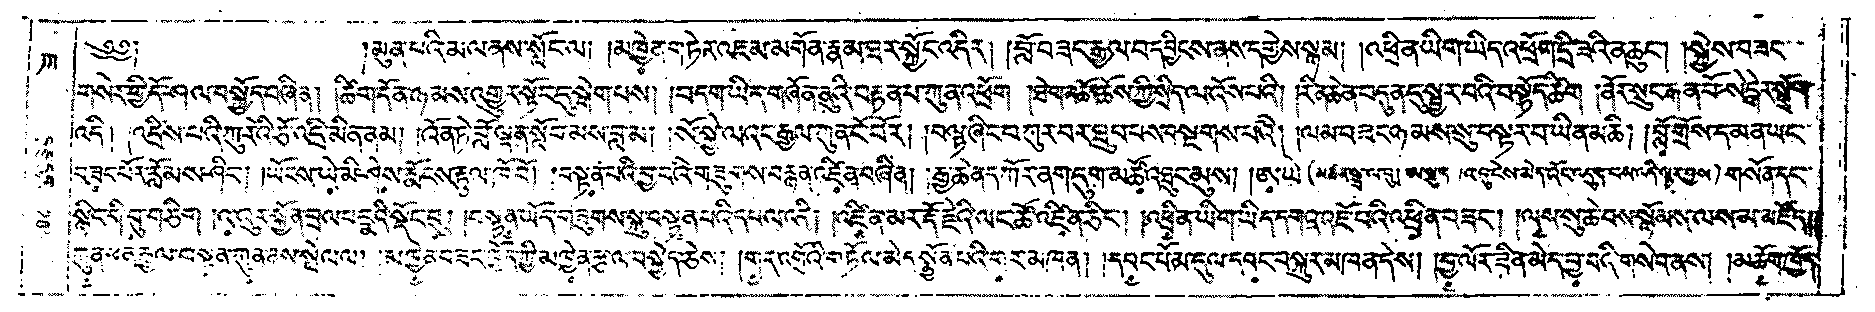༄༅། །མུན་པའི་མལ་ནས་སློང་ལ། །མཁྱེན྾་གཏེར་འཇམ་མགོན་རྣམ་ཐར་སྐྱོང་འདིར། །བློ་བཟང་རྒྱལ་བ་དབྱིངས་ནས་དགྱེས་སྙམ། །འཕྲིན་ཡིག་ཡིད་འཕྲོག་དྲི་ཟའི་ན་ཆུང་། །སྐྱེས་བཟང་
གསེར་གྱི་དོ་ཤལ་བསྐྱོད་བཞིན། །ཚིག་དོན་ཉམས་འགྱུར་སྟོང་དུ་སྒེག་པས། །བདག་ཡིད་གཞོན་ནུའི་བརྟན་པ་ཀུན་འཕྲོག །ཐེག་མཆོག་ཆོས་ཀྱི་སྲིད་ལ་འོས་པའི། །རིན་ཆེན་བདུན་དུ་སྦྱར་བའི་བསྟོད་ཚིག །ནོར་སྲུང་རྒན་པོ་སེངྒེར་སྒྲོག་
འདི། །འདྲིས་པའི་ཀུ་རེའི་ཅོ་འདྲི་མིན་ནམ། །འོན་ཏེ་བློ་ལྡན་སློབ་མས་བླ་མ། །སོ་སྐྱེ་ལའང་རྒྱལ་ཀུན་ངོ་བོར། །བལྟ་ཞིང་བཀུར་བར་ཐུབ་པས་བསྔགས་པའི། །ལམ་བཟང་ཉམས་སུ་བསྟར་བ་ཡིན་མཆི། །བློ྾་གྲོས་དམན་ཡང་
བཟང྾་པོར་རློམས་ཤིང་། །ཡོངས་ཡེ྾་མི་ཤེས྾་རྨོངས་རྟུལ་ཁོ་བོ། །བསྟན྾་པའི་བྱ་བའི་གཟུགས་བརྙན་འཛིན྾་བཞིན། །རྒྱ྾་ཆེན་དཀོར་ནག་དུག་མཚོ྾་འཐུང་མུས། །ཨ྾་ཡེ་མཚན་སྒྲ་ལ་བུ། ཨ་སྦུག །འ་བུ་ངེས་མེད་འོང་འདུག་པས་འདི་ལྟར་བྱས་གསོན་དང་
སྙིང་གི྾་བུ་གཅིག །འ྾་འུར་སྐྱོན་བྲལ་པདམའི་སྡོང་བུ྾། །བསྟན྾་ཡོད་གཟུགས་སྐུ་བསྟན྾་པའི་དཔལ་འདི། །འཛིན྾་མར་རྡོ་རྗེའི་ལང་ཚོ་འཛིན྾་ཅིང་། །འཕྲིན྾་ཡིག་ཡིད་དགའ་འཇོ་བའི་འཕྲིན་བཟང་། །ལས྾་སུ་ཆེ་བས་སྙོམས་ལས྾་མ་མཛོད། །
ཀུན྾་ཕན་རྒྱལ་བསྟན་ཀུན྾་ནས་སྤེལ་ལ། །མཁྱེན྾་བཟང་ཁྱོད་ཀྱི་མཁྱེན྾་རྩལ་བསྐྱེད་ཅེས། །གར྾་འགྲོའི་གཏོལ་མེད་སྨྱོན་པའི་གར྾་མཁན། །དབང྾་པོ་མ་དུལ་དབང྾་བསྐུར་མཁན་དེས། །བྱ྾་ལོར་ཟིན་མེད་བྱ྾་བའི་གསེབ་ནས། །མཆོག྾་ཁྱོད་